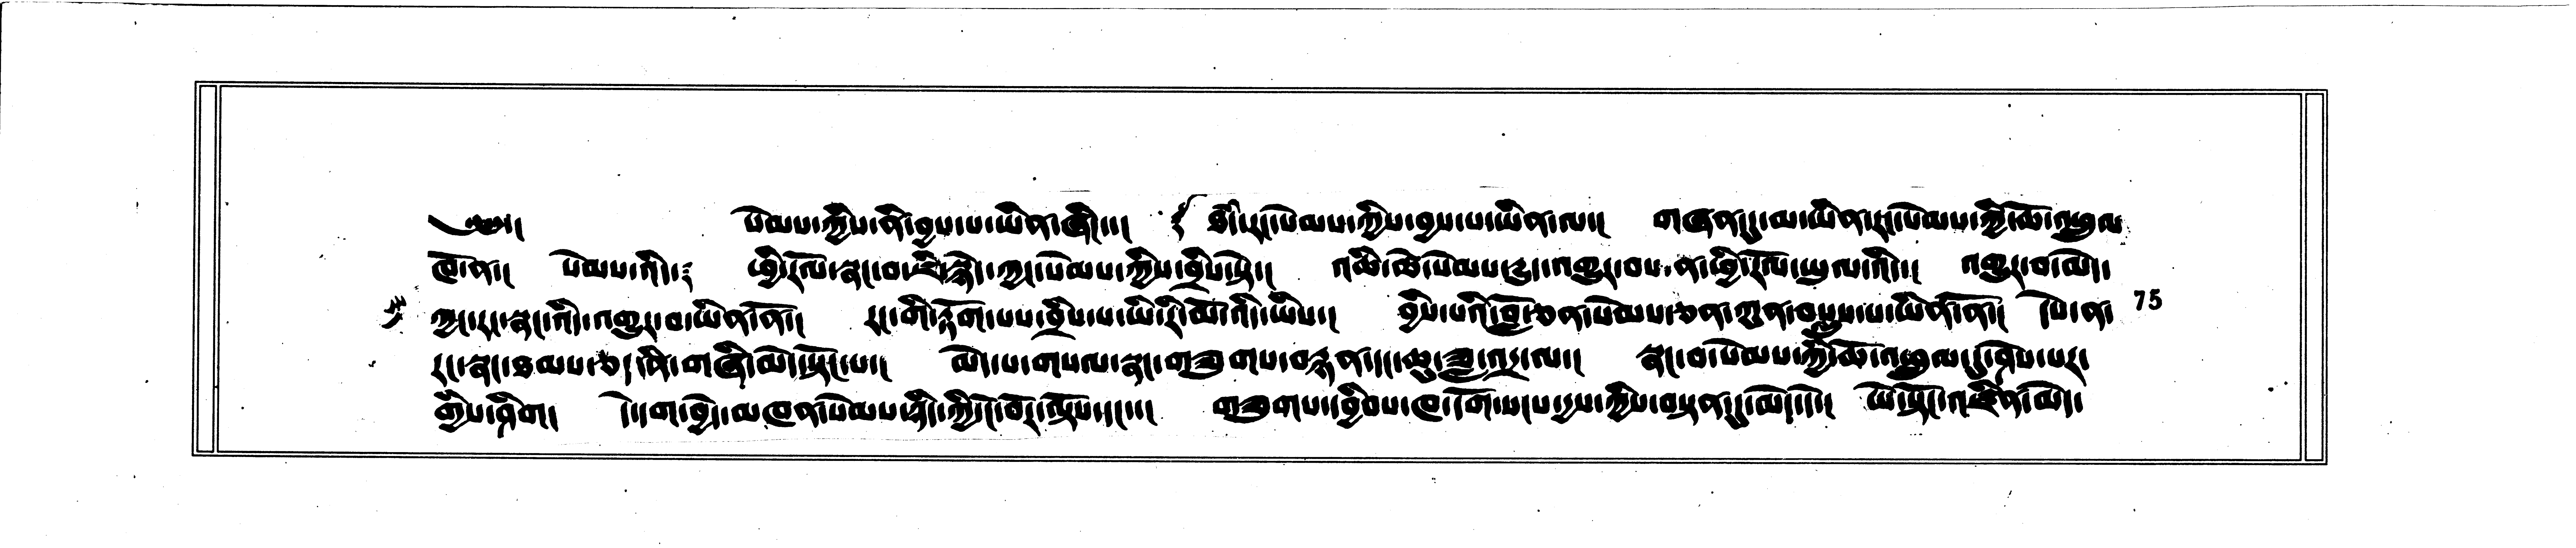སེམས་ཀྱིས་ནི་བྱས་པ་ཡིན་ཞིང་། ། ༼སེམས་འདི༽ཐམས་ཅད་རང་སེམས་ཀྱིས་བྱས་པ་ཡིན་ལ། །གཞན་དུ་མ་ཡིན་རང་སེམས་ཀྱི་ཆོ་འཕྲུལ་
ཁོ་ན། །ཕྱི་རོལ་སྣང་བ་ཇི་སྙེད་ཀྱང་སེམས་ཀྱིས་བྲིས་ཏེ། །འཆི་ཚེ་སེམས་རྒྱུད་འགྱུར་བས་ན་ཕྱི་རོལ་ཡུལ་འདི། །འགྱུར་བ་མེད་
ཀྱང་རང་སྣང་འདི་འགྱུར་བ་ཡིན་ནོ། །རང་གིས་རྟོག་པས་བྲིས་པ་ཡི་རི་མོ་འདི་ཡིས། །བྱིས་པའི་བློ་ཅན་སེམས་ཅན་ཀུན་བསླུས་པ་ཡིན་ནོ། །དེས་ན་
རང་སྣང་ཐམས་ཅད་ནི་གཞི་མེད་སྟོང་པ། །མེད་པ་གསལ་སྣང་གཟུགས་བརྙན་དང་ཆུ་ཟླ་འདྲ་ལ། །སྣང་བ་སེམས་ཀྱི་ཆོ་འཕྲུལ་དུ་ཤེས་པར་
གྱིས་ཤིག །དེ་དག་བྱེད་མཁན་སེམས་ཉིད་ཀྱི་ངོ་བོར་ལྟོས་དང་། གཟུགས་དབྱིབས་ཁ་དོག་སངས་རྒྱས་ཀྱིས་བསྟན་དུ་མེད་དེ། །ཡེ་སྟོང་འཛིན་མེད་